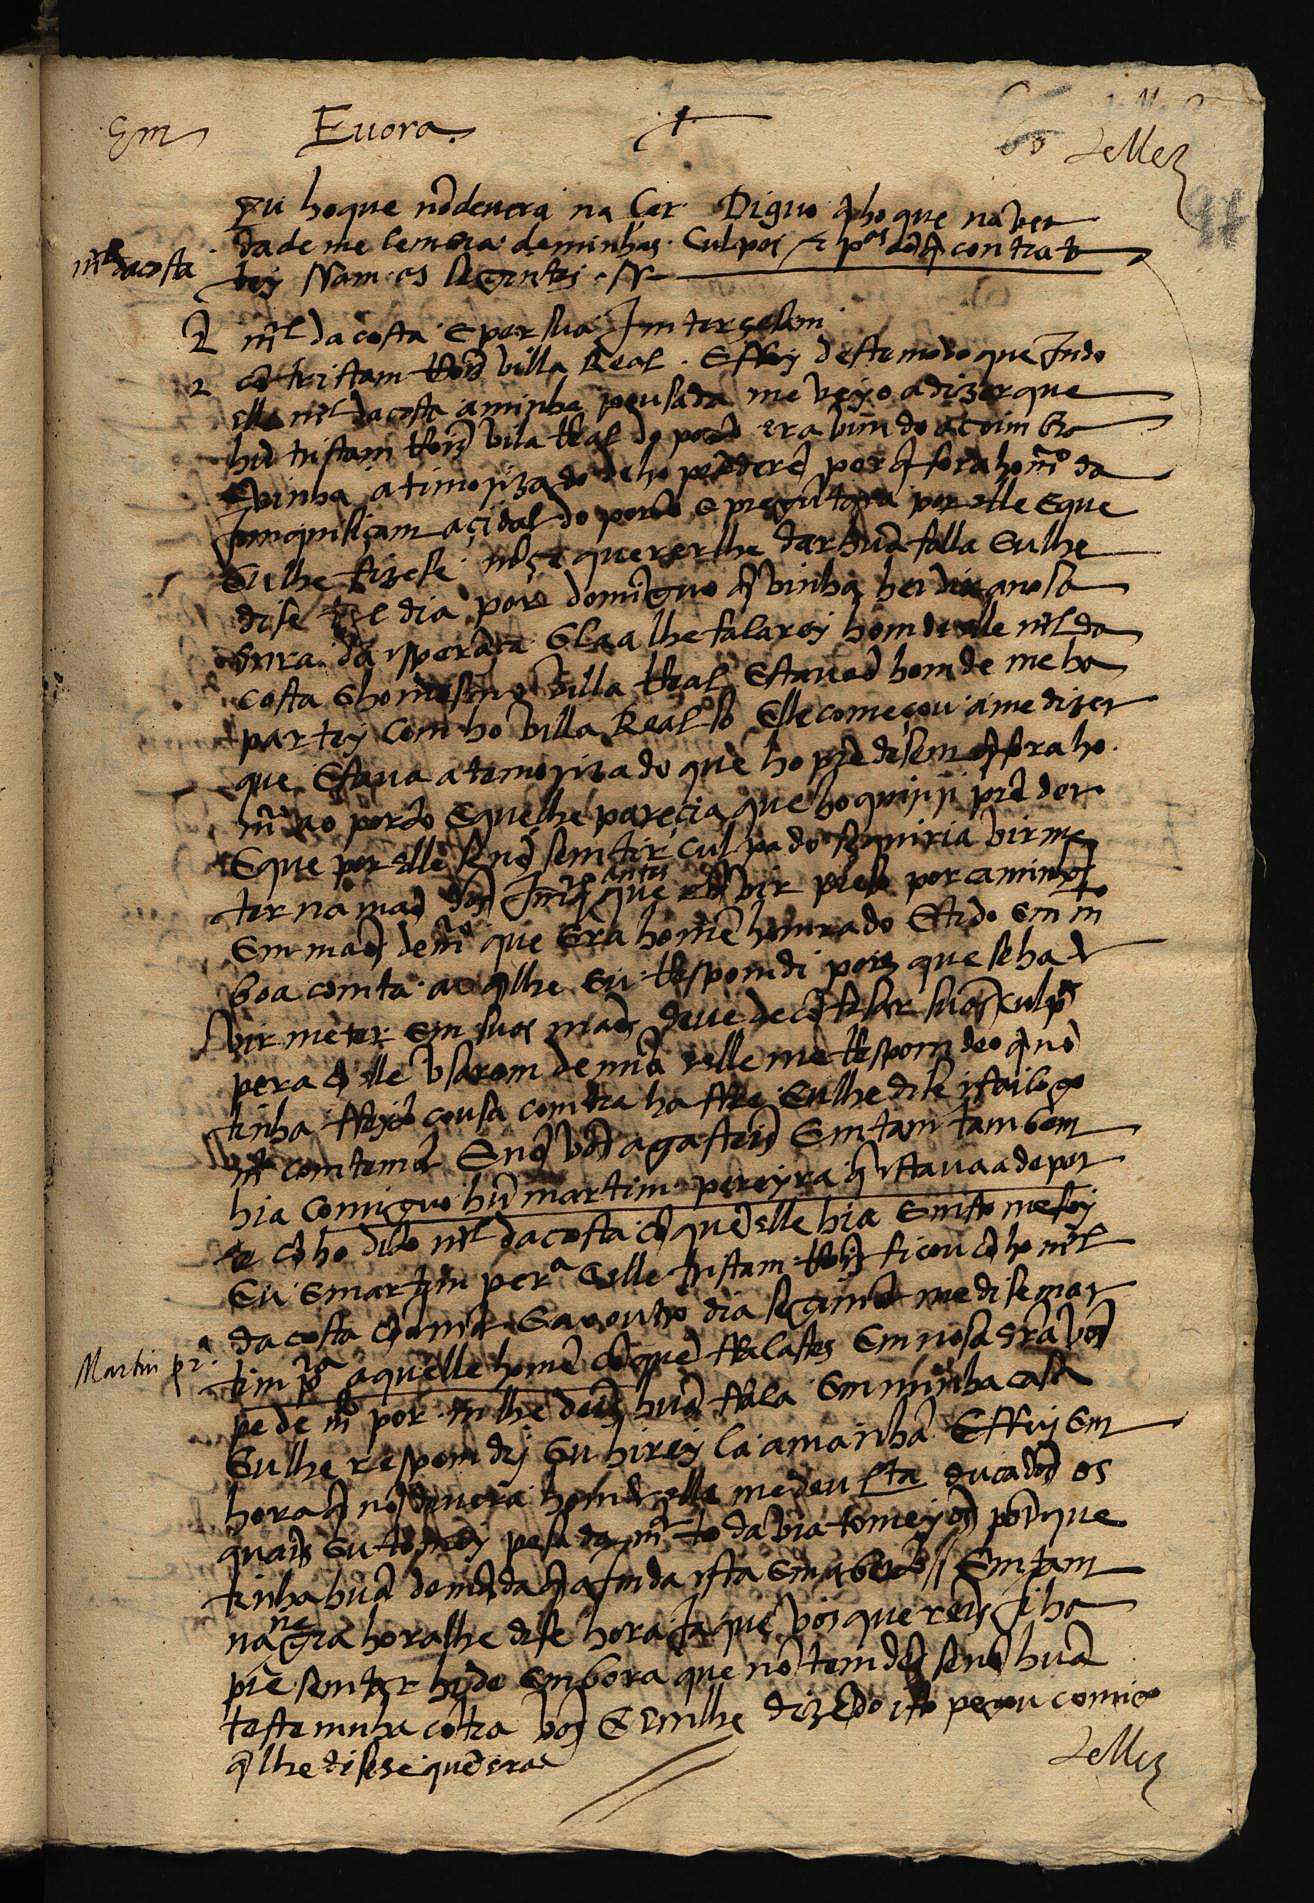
Em
Euora.
60 tellez
Eu ho que nō deuera na Cer Diguo q̄ ho que na ver
dade me lembra de minhas Culpas e pas cō q̄ contrata
mel da costa
tey ssam as segintes .ss.
item mel da costa e por sua Jmtercesam
item cō tristam Roiz̄ villa Real. E ffoy deste modo que Indo
Elle mel da costa a minha pousada me veyo a dizer que
hū tristam Roīz vila Real do porto era vimdo a coimbra
e vinha atimorizado de ho prēderē porq̄ fora ho mro da
Jmquisiçam a cidal do porto e pregūtara por elle E que
Eu lhe fizese m̄ce quererlhe dar huā falla Eu lhe
dise _e dia por domīguo q̄ vinha hei dir a nosa
snra da esperāça E laa lhe falarey homde elle mel da
costa e ho mesma villa Real Estauaõ homde me ha
partey com ho villa Real so Elle começou a me dizer
que Estaua atemorizado que ho prēdesem q̄ fora ho
mro ao porto E que lhe parecia que ho quisese prēder
E que por Elle se nō semtir culpado se quiria vir me
antes
ter na maõ dos Jmq̄rꝭ que se vir preso por caminho
Em maõs de mro que Era homē homrado E tido Em mto
boa comta. ao q̄ lhe Eu Respomdi pois que se hade
vir meter Em suas maõs deue de cōfesar suas culpas
pera cō elle vsarem de mīa e elle me Respomdeo q̄ nō
tinha ffeyto cousa comtra ha ffee Eu lhe dise istai logo
mto comtemte E nō vos agasteis Emtam tambem
hia comiguo hū martim pereyra q̄ estaua a depor
e cō ho dito mel da costa cō quē Elle hia E nisto me foy
Eu E martim pera E elle tristam Roiz̄ ficou cō ho meL
Martim pra.
da costa cōtemte E ao outro dia segimte me dise mar
tim pra aquelle homē cō quē ffalastes Em nosa Sr̄a Vos
pede mto por .m. lhe deis huā ffala Em minha casa
Eu lhe respondy Eu hirey la amanhã E ffuj Em
hora q̄ nō deuera homde elle me deu Lta ducados os
quais Eu tomey pesadamte todavia tomeyos porque
tinha huā demāda q̄ aJmda esta Em aberto // Emtam
na negra hora lhe dise hora Ja que vos quereis Jr ha
presemtar hide Embora que nō temdes senā huā
testemuha cōtra vos E Em lhe dizēdo isto pegou comigo
q̄ lhe disese quē Era
tellez
